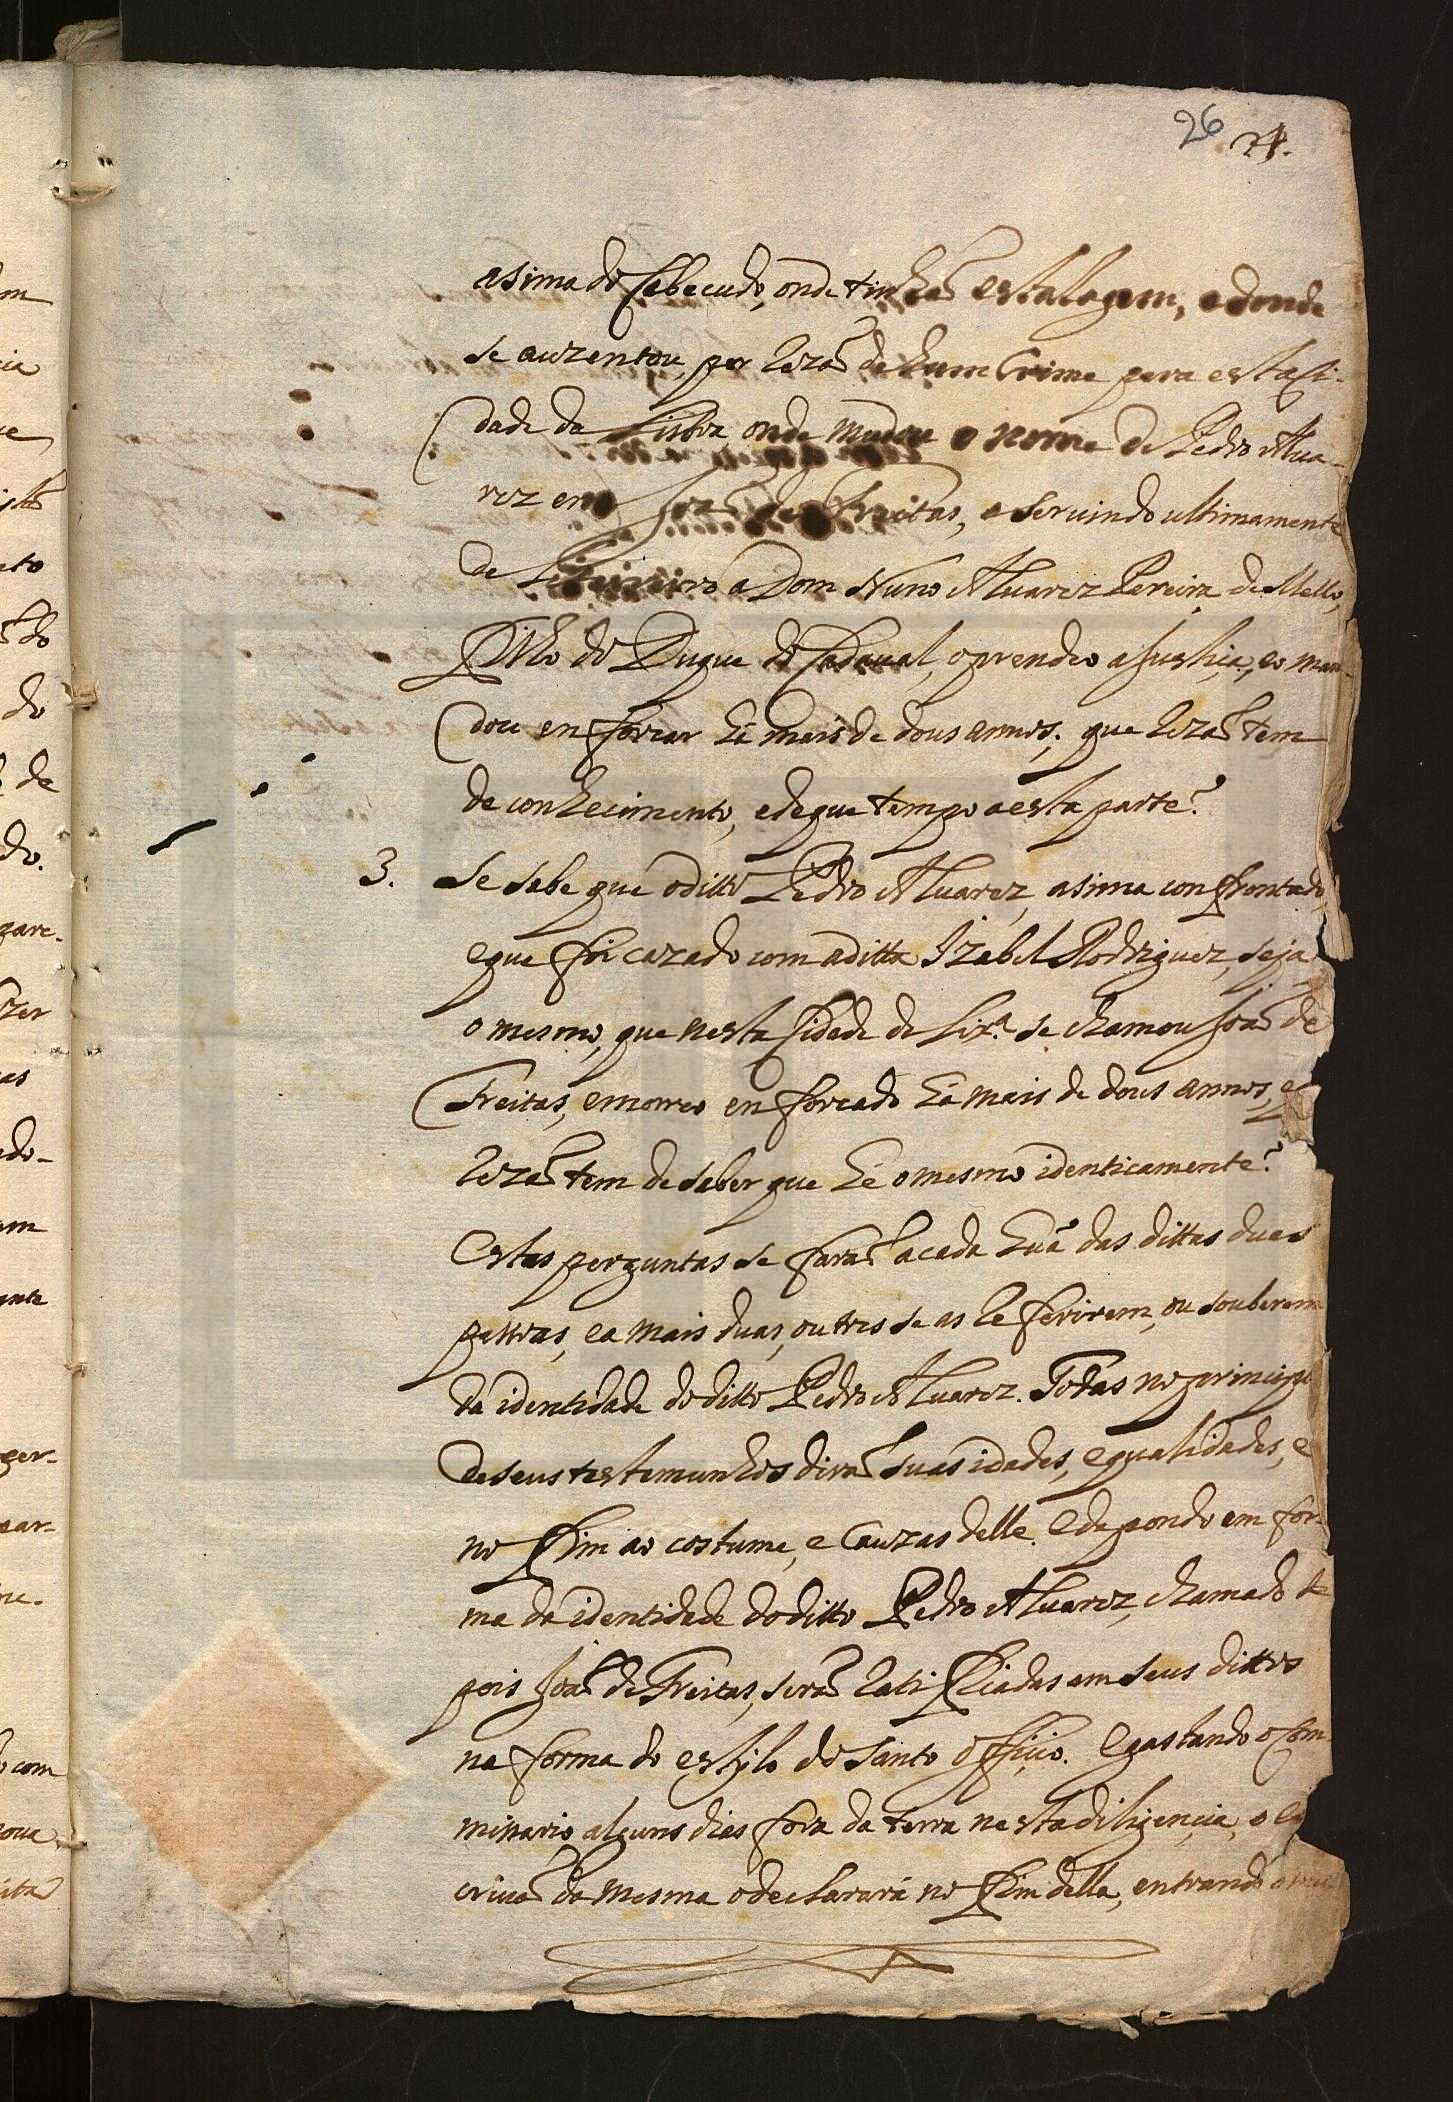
3.
asima do Cabecudo, onde tinhaõ estalagem, e donde
se auzentou, por Rezaõ de hum Crime para esta Ci
dade da Lisboa, onde mudou o nome de Pedro Alua
rez em Joaõ de Freitas, e seruindo ultimamente
de Liteireiro a Dom Nuno Aluarez Pereira de Mello
filho do Duque do Cadaual, o prendeo a Justiça, e o man
dou enforcar há mais de dous annos; que Rezaõ tem
de conhecimento, e de que tempo a esta parte?
se sabe que o ditto Pedro Aluarez asima confrontado
e que foi cazado com a ditta Izabel Rodriguez, seja
o mesmo, que nesta Cidade de Lix.a se chamou Joaõ de
Freitas, e morreo enforcado ha mais de dous annos, e
Rezão tem de saber que he o mesmo identicamente?
Estas perguntas se faraõ a cada huā das dittas duas
pessoas, e a mais duas ou tres se as Referirem, ou souberem
da identidade do ditto Pedro Aluarez. Todas no princip
de seus testemunhos diraõ suas idades, e qualidades, e
no fim ao costume, e cauzas delle e depondo em for
ma da identidade do ditto Pedro Aluarez, chamado de
pois Joaõ de Freitas, seraõ Ratificadas em seus dittos
na forma do estylo do Santo offiçio. E gastando o Com
missario alguns dias fora da terra nesta diligençia, o es
criuaõ da mesma o declarará no fim della, entrando o
